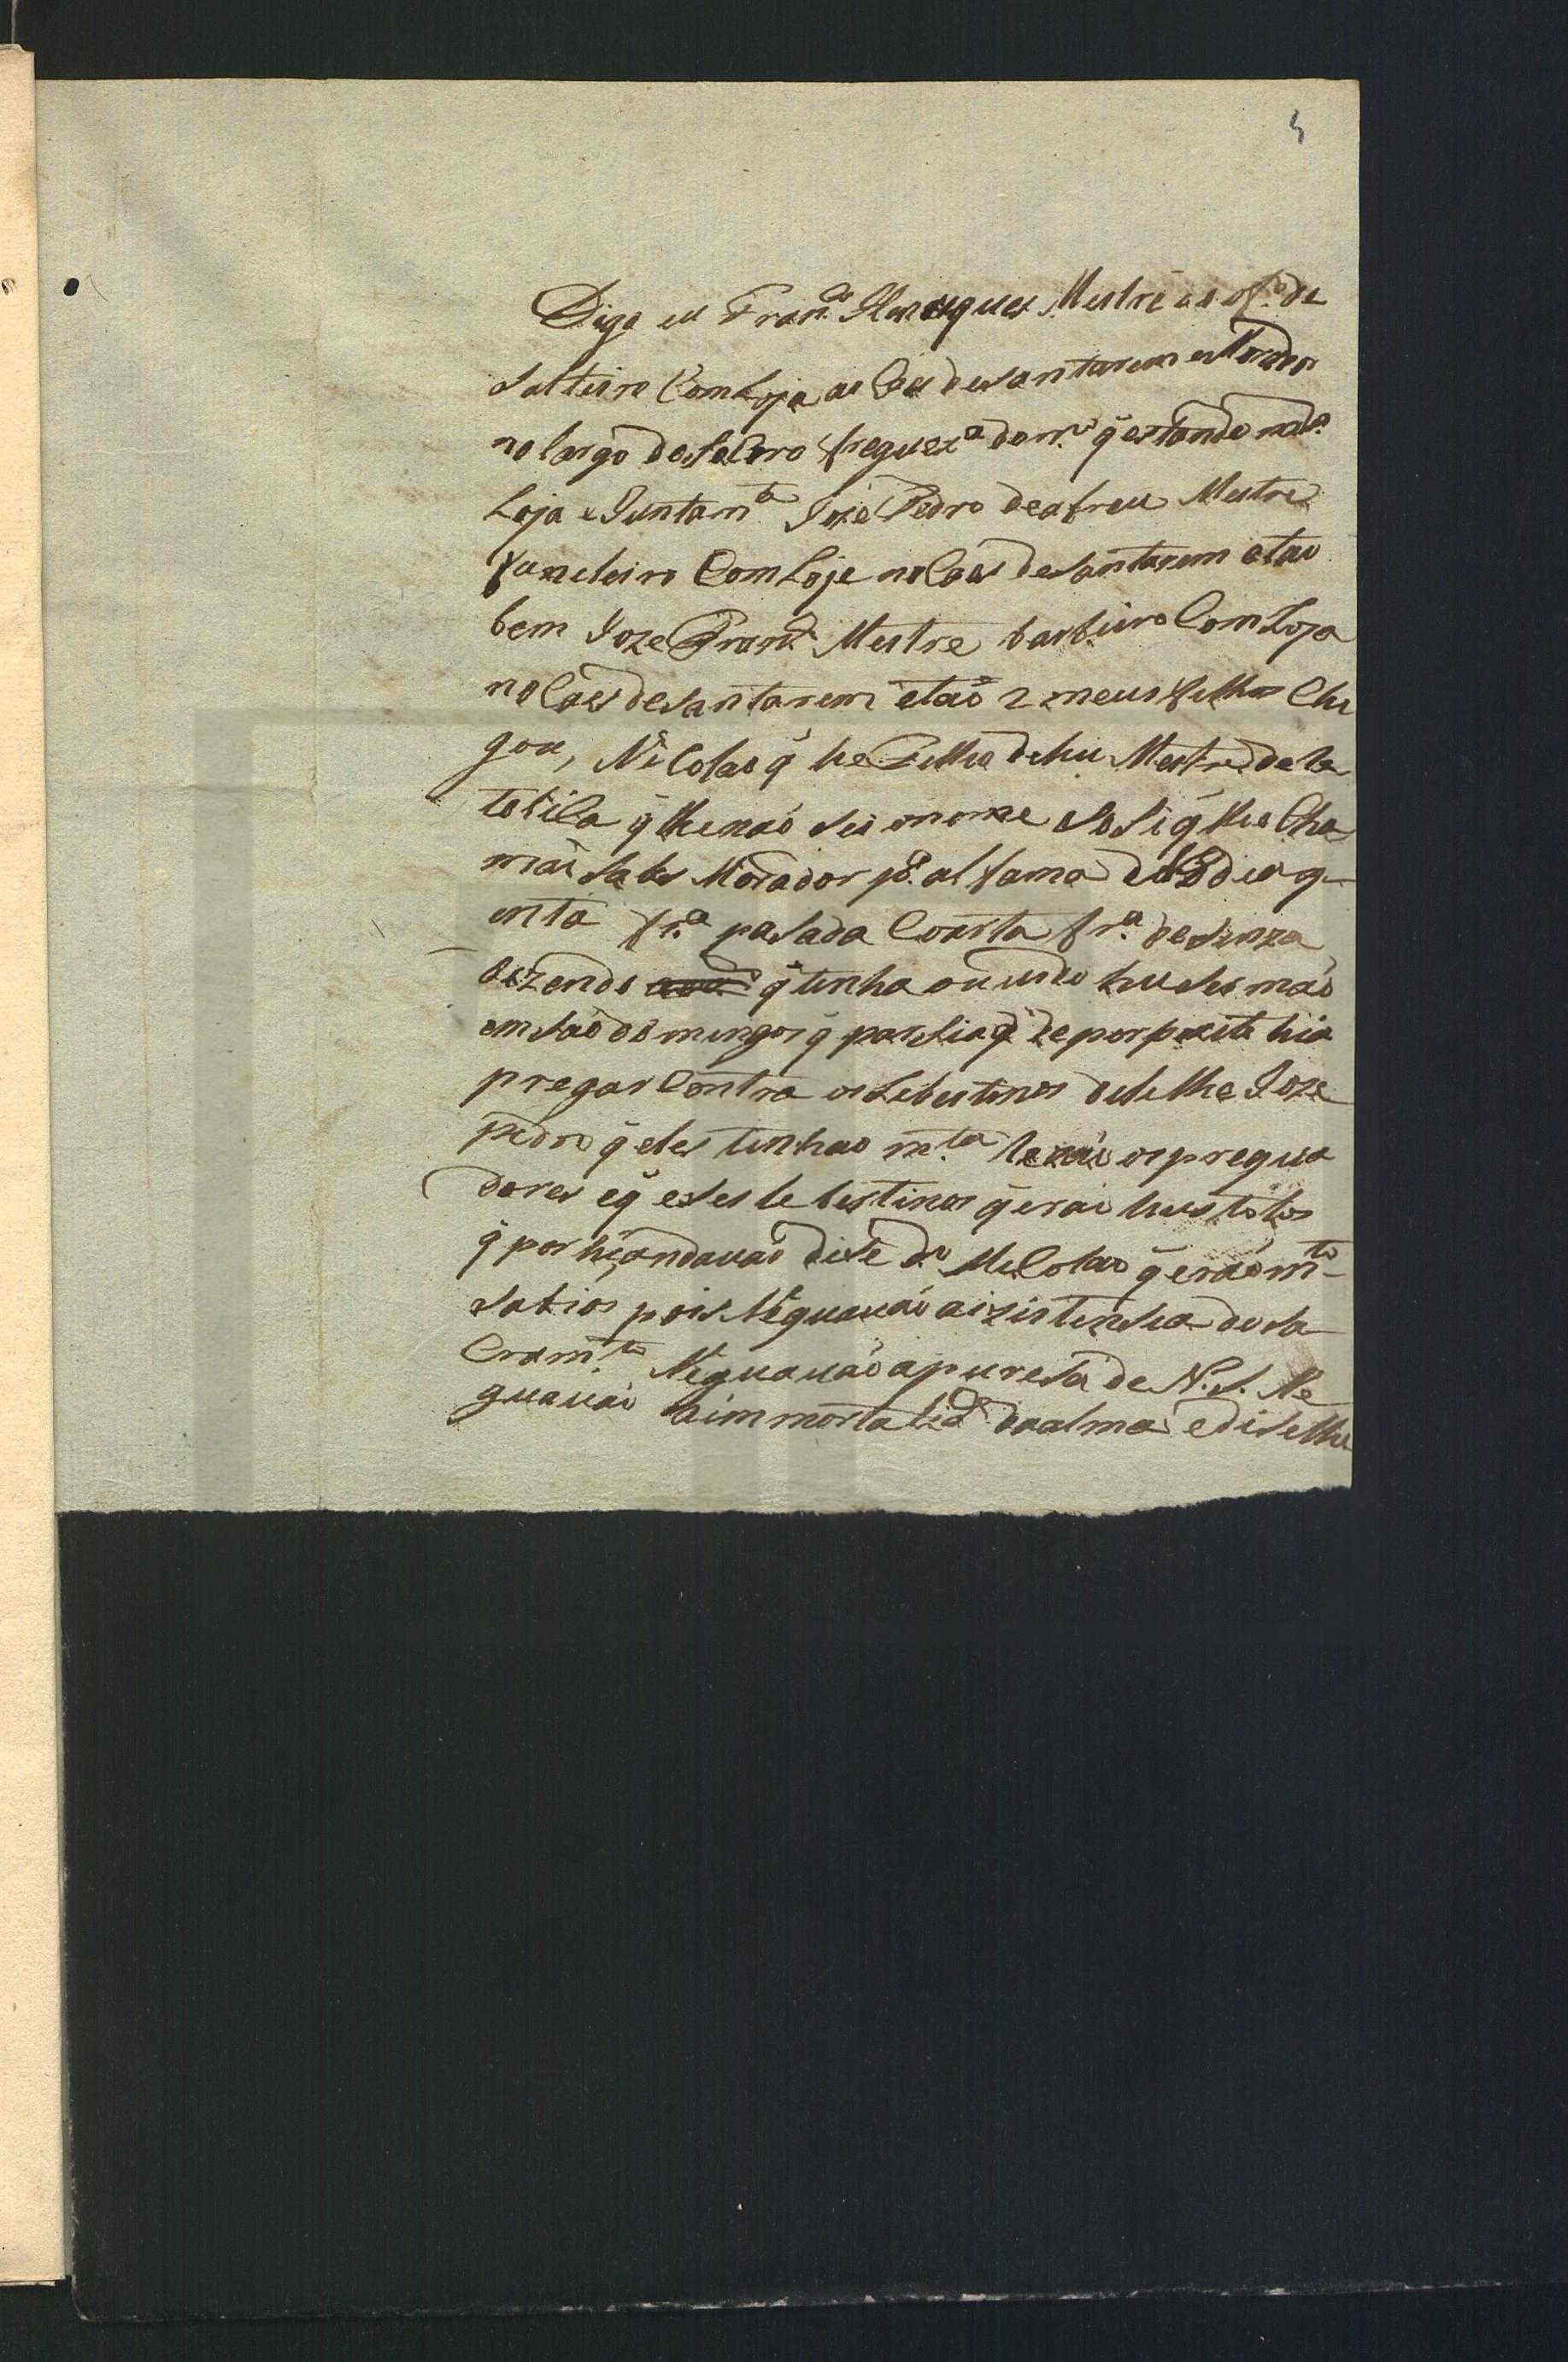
Digo eu Fran.co Henriques Mestre do off.o de
salteiro Com loja ao Caes de santarem e Morador
no largo do SoCoro freguez.a do m.o q̄ estando na d.a
Loja e Iuntam.te Iozé Pedro de abreu Mestre
yaneleiro Com Loje no Caes de santaram e tao
bem Ioze Fran.co Mestre barbeiro Com Loja
no Caes de santarem e taõ 2 meus filhos che
gou, Nicolao q̄ he Filho de hu Mestre de Re
toriCa q̄ lhe naõ sei o nome so si q lhe o Cha
maõ sales Morador p.a alfama e 18 dia q
enta fr.a pasada Coarta fr.a de sinza
dizendo _ q̄ tinha ouuido hu sermaõ
em saõ domingos q̄ parecia q̄ de porpozito hia
pregar contra os Lebertinos deselhe Ioze
pedro q̄ eles tinhaõ m.ta Rezaõ os prequa
dores e q̄ eses lebertinos q̄ eraõ hus tolos
q̄ por hi andauaõ dise d.o NiColao q̄ eraõ m.to
sabios pois Neguauaõ a izistensia do sa
cram.to, Neguauaõ a puresa de N. S. Ne
guauaõ a immortalid.e da alma e diselhe
